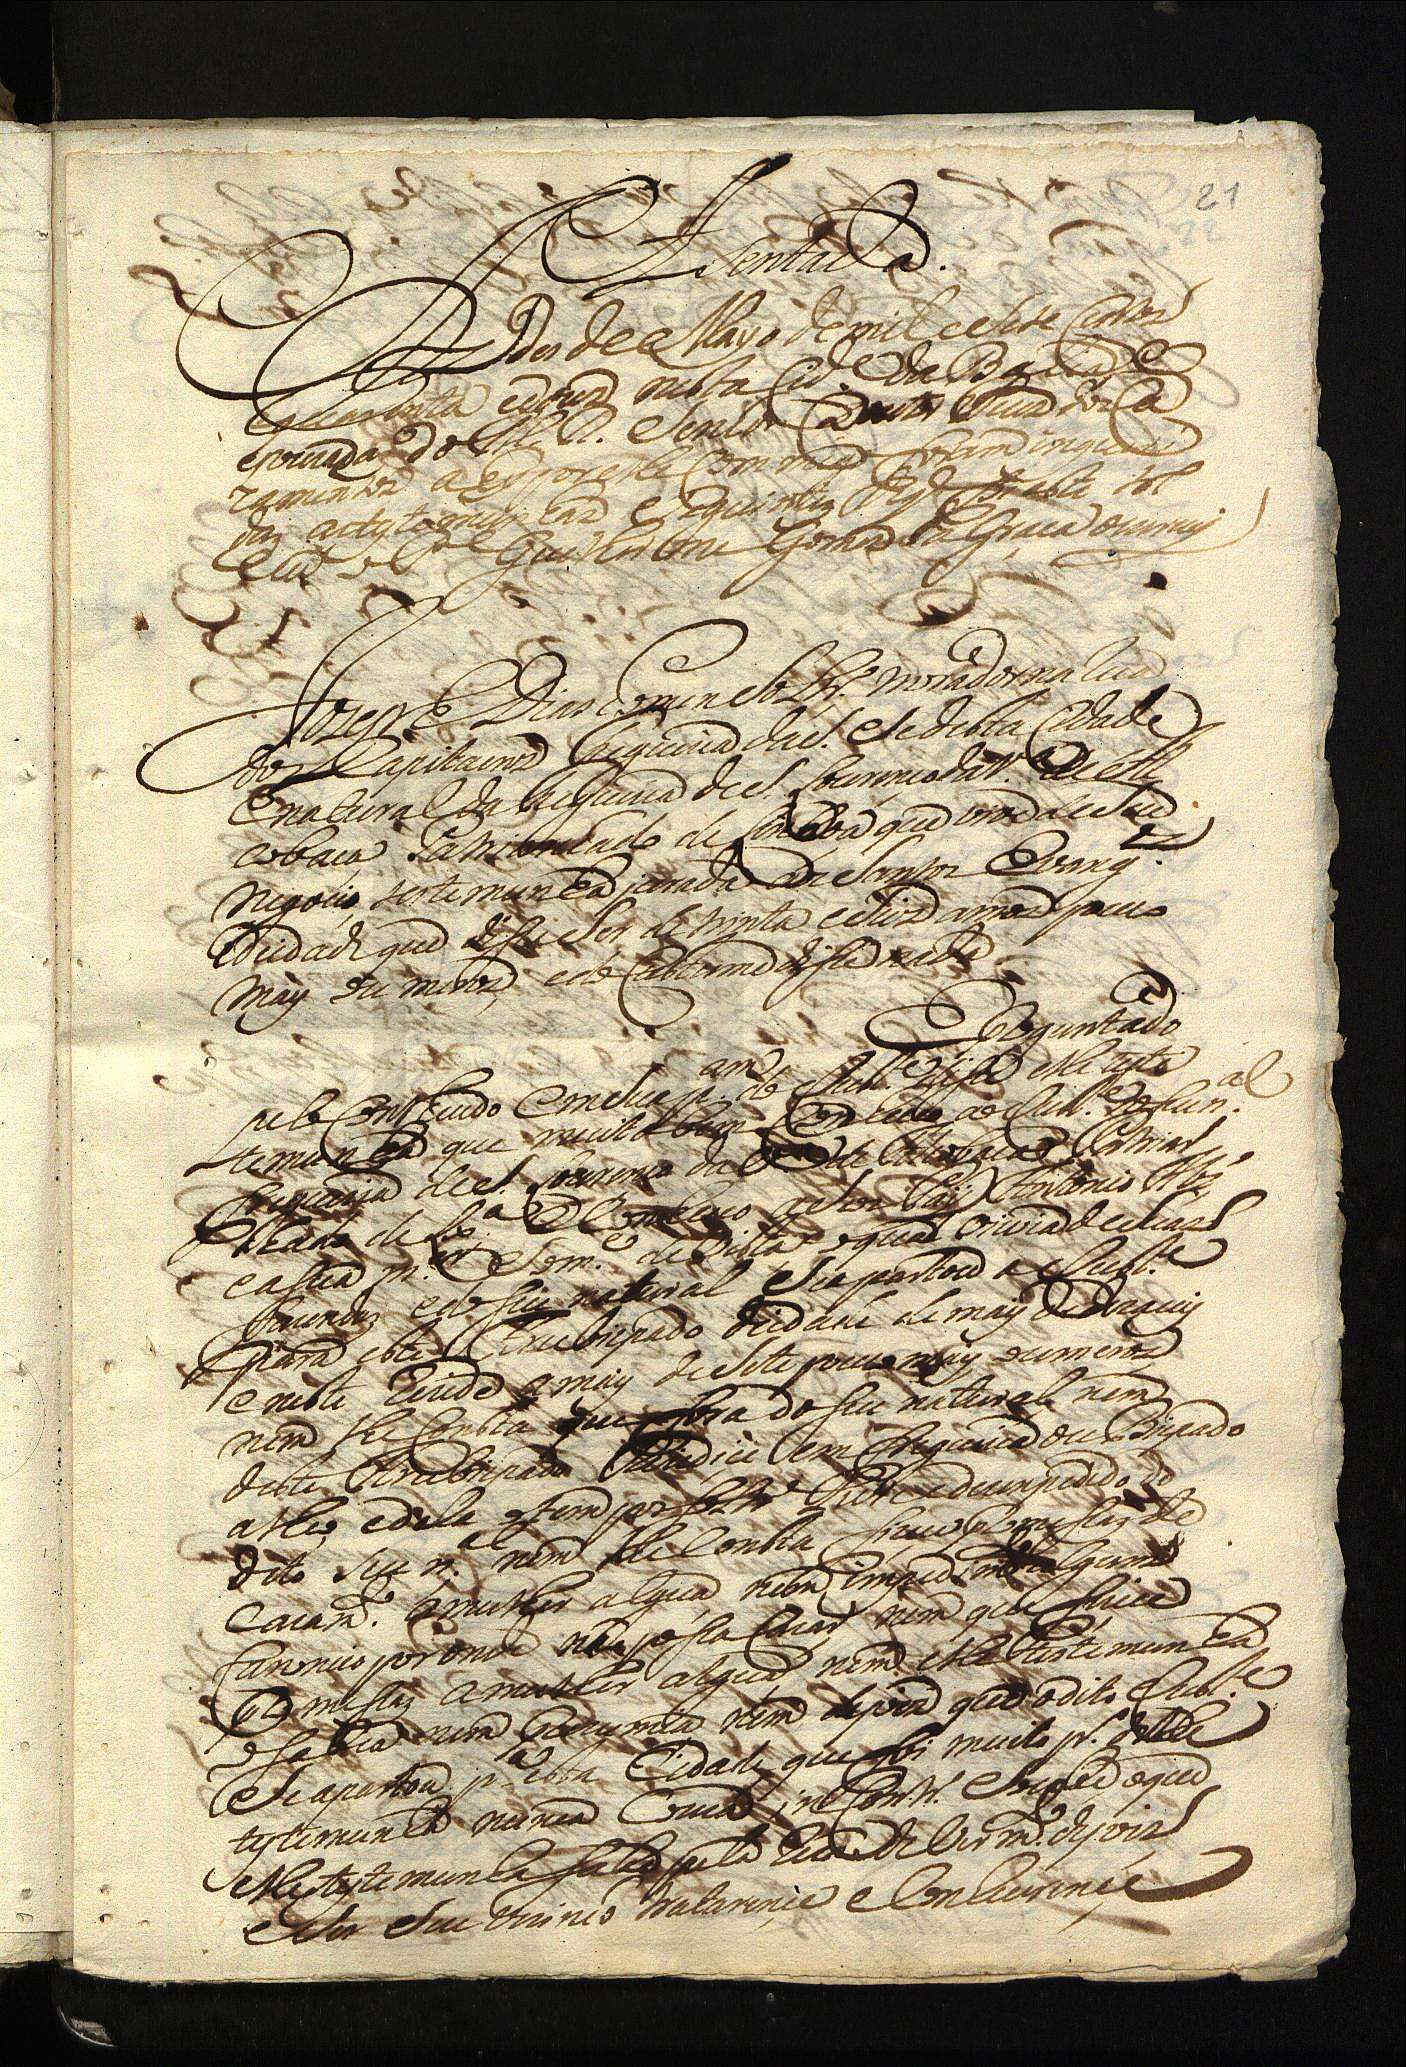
Asentada.
Aos des de Mayo de mil e SeteCentos
e quarenta e douz nesta Cid.e da Bahia e
e pouzada do M. R. Senhor Doutor Iuiz doz Ca
zamentoz ahy por elle Commigo foram inquiri
das as testemunhaz Seguintes de q̄ fis este ter.o
e eu o Pe Guilherme Gomez da Graça o escreuj
Jozeph Dias homen Soltr.o morador na Rua
dos Capitaenz Freguesia da S. Se desta Cidade
e natural da Freguesia de S. Lourenço da V.a de Al
cobaca, Patriarchado de Lisboa, que vive de Seu
negocio, testemunha jurada aoz Santoz Evangoz.
de idade que disse Ser de trinta e Seiz annoz pouco
mais ou menoz, e do Costume disse nada
E proguntado
pelo Contheudo em sua p.am do Iust.e disse elle teste
temunha que muito bem conheceo ao Cust.e o seu n.al
freguesia de S. Lourenço da V de Alcobaca Patriar
chado de Lx.a e conheceo a seos Pais Antonio Alz̄
e a sua m.er Som.e de vista, o qual vivia de Suas
fazendas e do seu natural Se apartou o Iust.e
para este Arcebispado de idade de mais de dezaceis
e neste Rezide a mais de Sete pouco mais, ou menoz
nem lhe Consta que fora do seu natural, nem
deste Arcebispado Rezidiçe em freguesia ou Bispado
alheo, e dela o tem por soltr.o livre e dezinpedido do
dito seu n;al nem lhe consta fizeçe promessaz de
cazam.to a mulher algua, nem impedimto algum
Canonico por onde não possa Cazar nem que fizeçe
promessas a mulher algūa, nem elle testemunha
o sabia nem prezumia nem depoiz que o dito Iust.e
Se apartou p.a esta Cidade que foi muito pr.o delle
testemunha nunca Cousa in Contr.o Soube, o que
elle testemunha sabe pela Rezão de Vir m.to depoiz,
e Ser Seu visinho tratarençe e Conhecerençe
